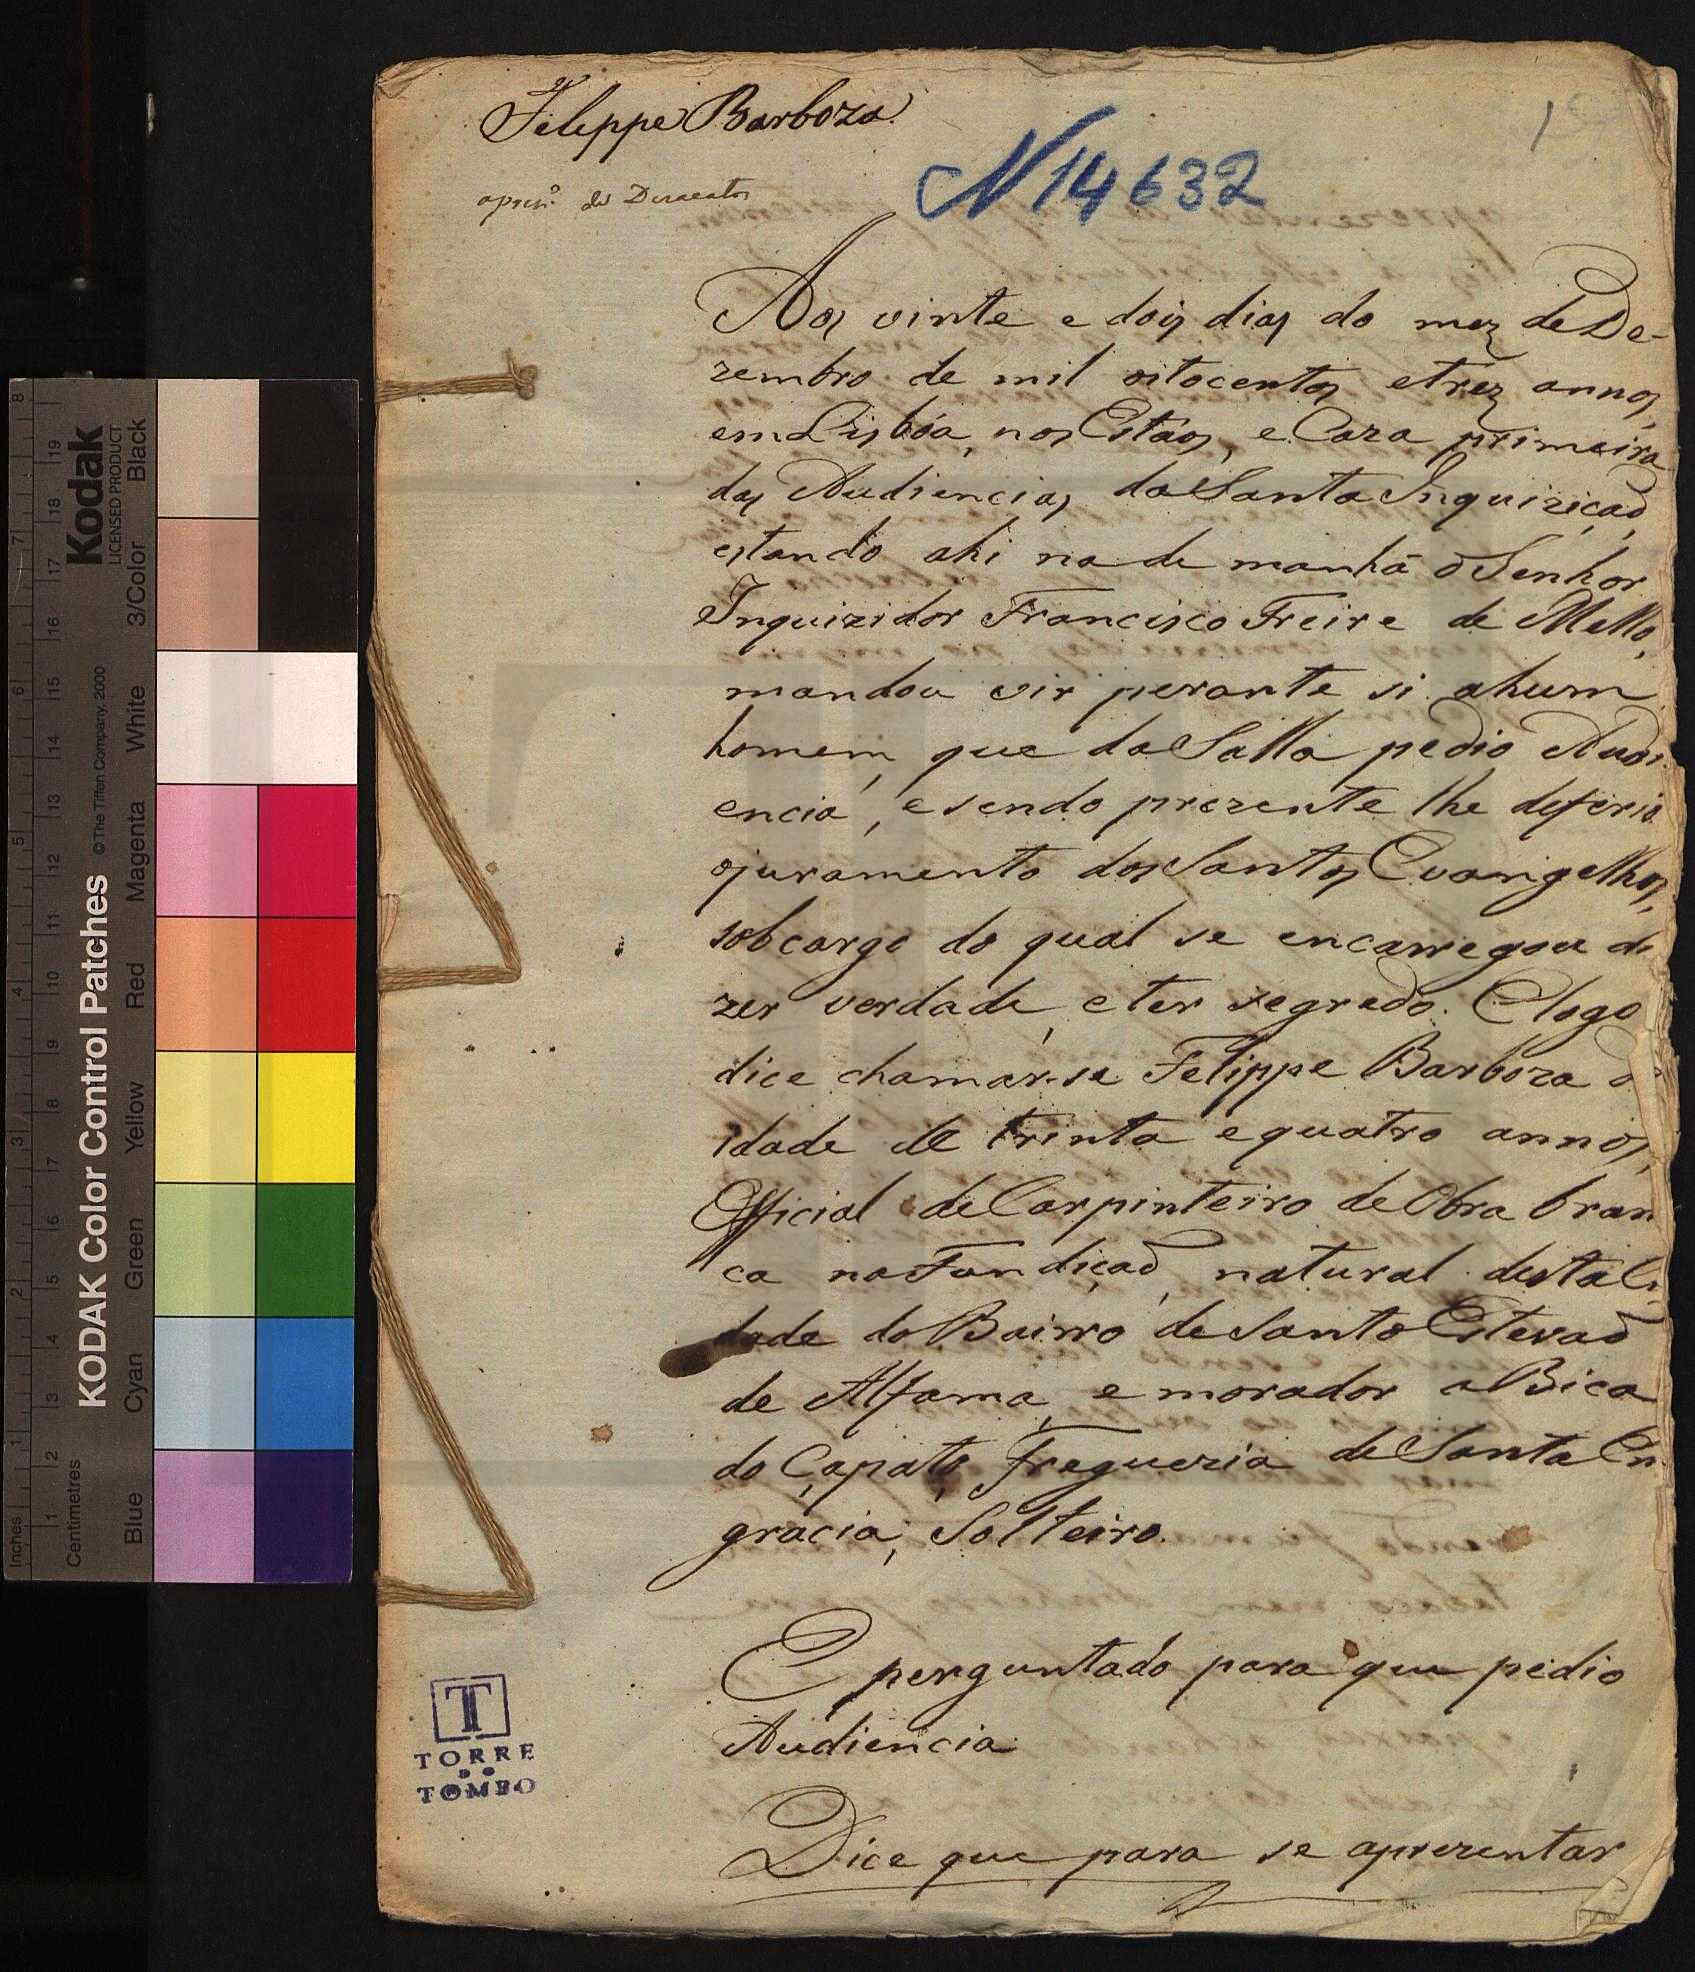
Aos vinte e dois dias do mez de De
zembro de mil oitocentos e trez annos,
em Lisboa, nos Estáos, e Caza primeira
das Audiencias, da Santa Inquiziçaõ,
estando ahi na de manhã o Senhor
Inquizidor Francisco Freire de Mello,
mandou vir perante si a hum
homem, que da Salla pedio Audi
encia, e sendo prezente lhe deferio
o juramento dos Santos Evangelhos,
sob cargo do qual se emcarregou di
zer verdade, e ter segredo. E logo
dice chamar-se Felippe Barboza
idade de trinta e quatro annos
Official de Carpinteiro de Obra bran
ca na Fundiçaõ, natural desta Ci
dade do Bairro de Santo Estevaõ
de Alfama, e morador a Bica
do Çapato Freguezia de Santa En
gracia, solteiro.
E perguntado para que pedio
Audiencia
Dice que para se aprezentar
